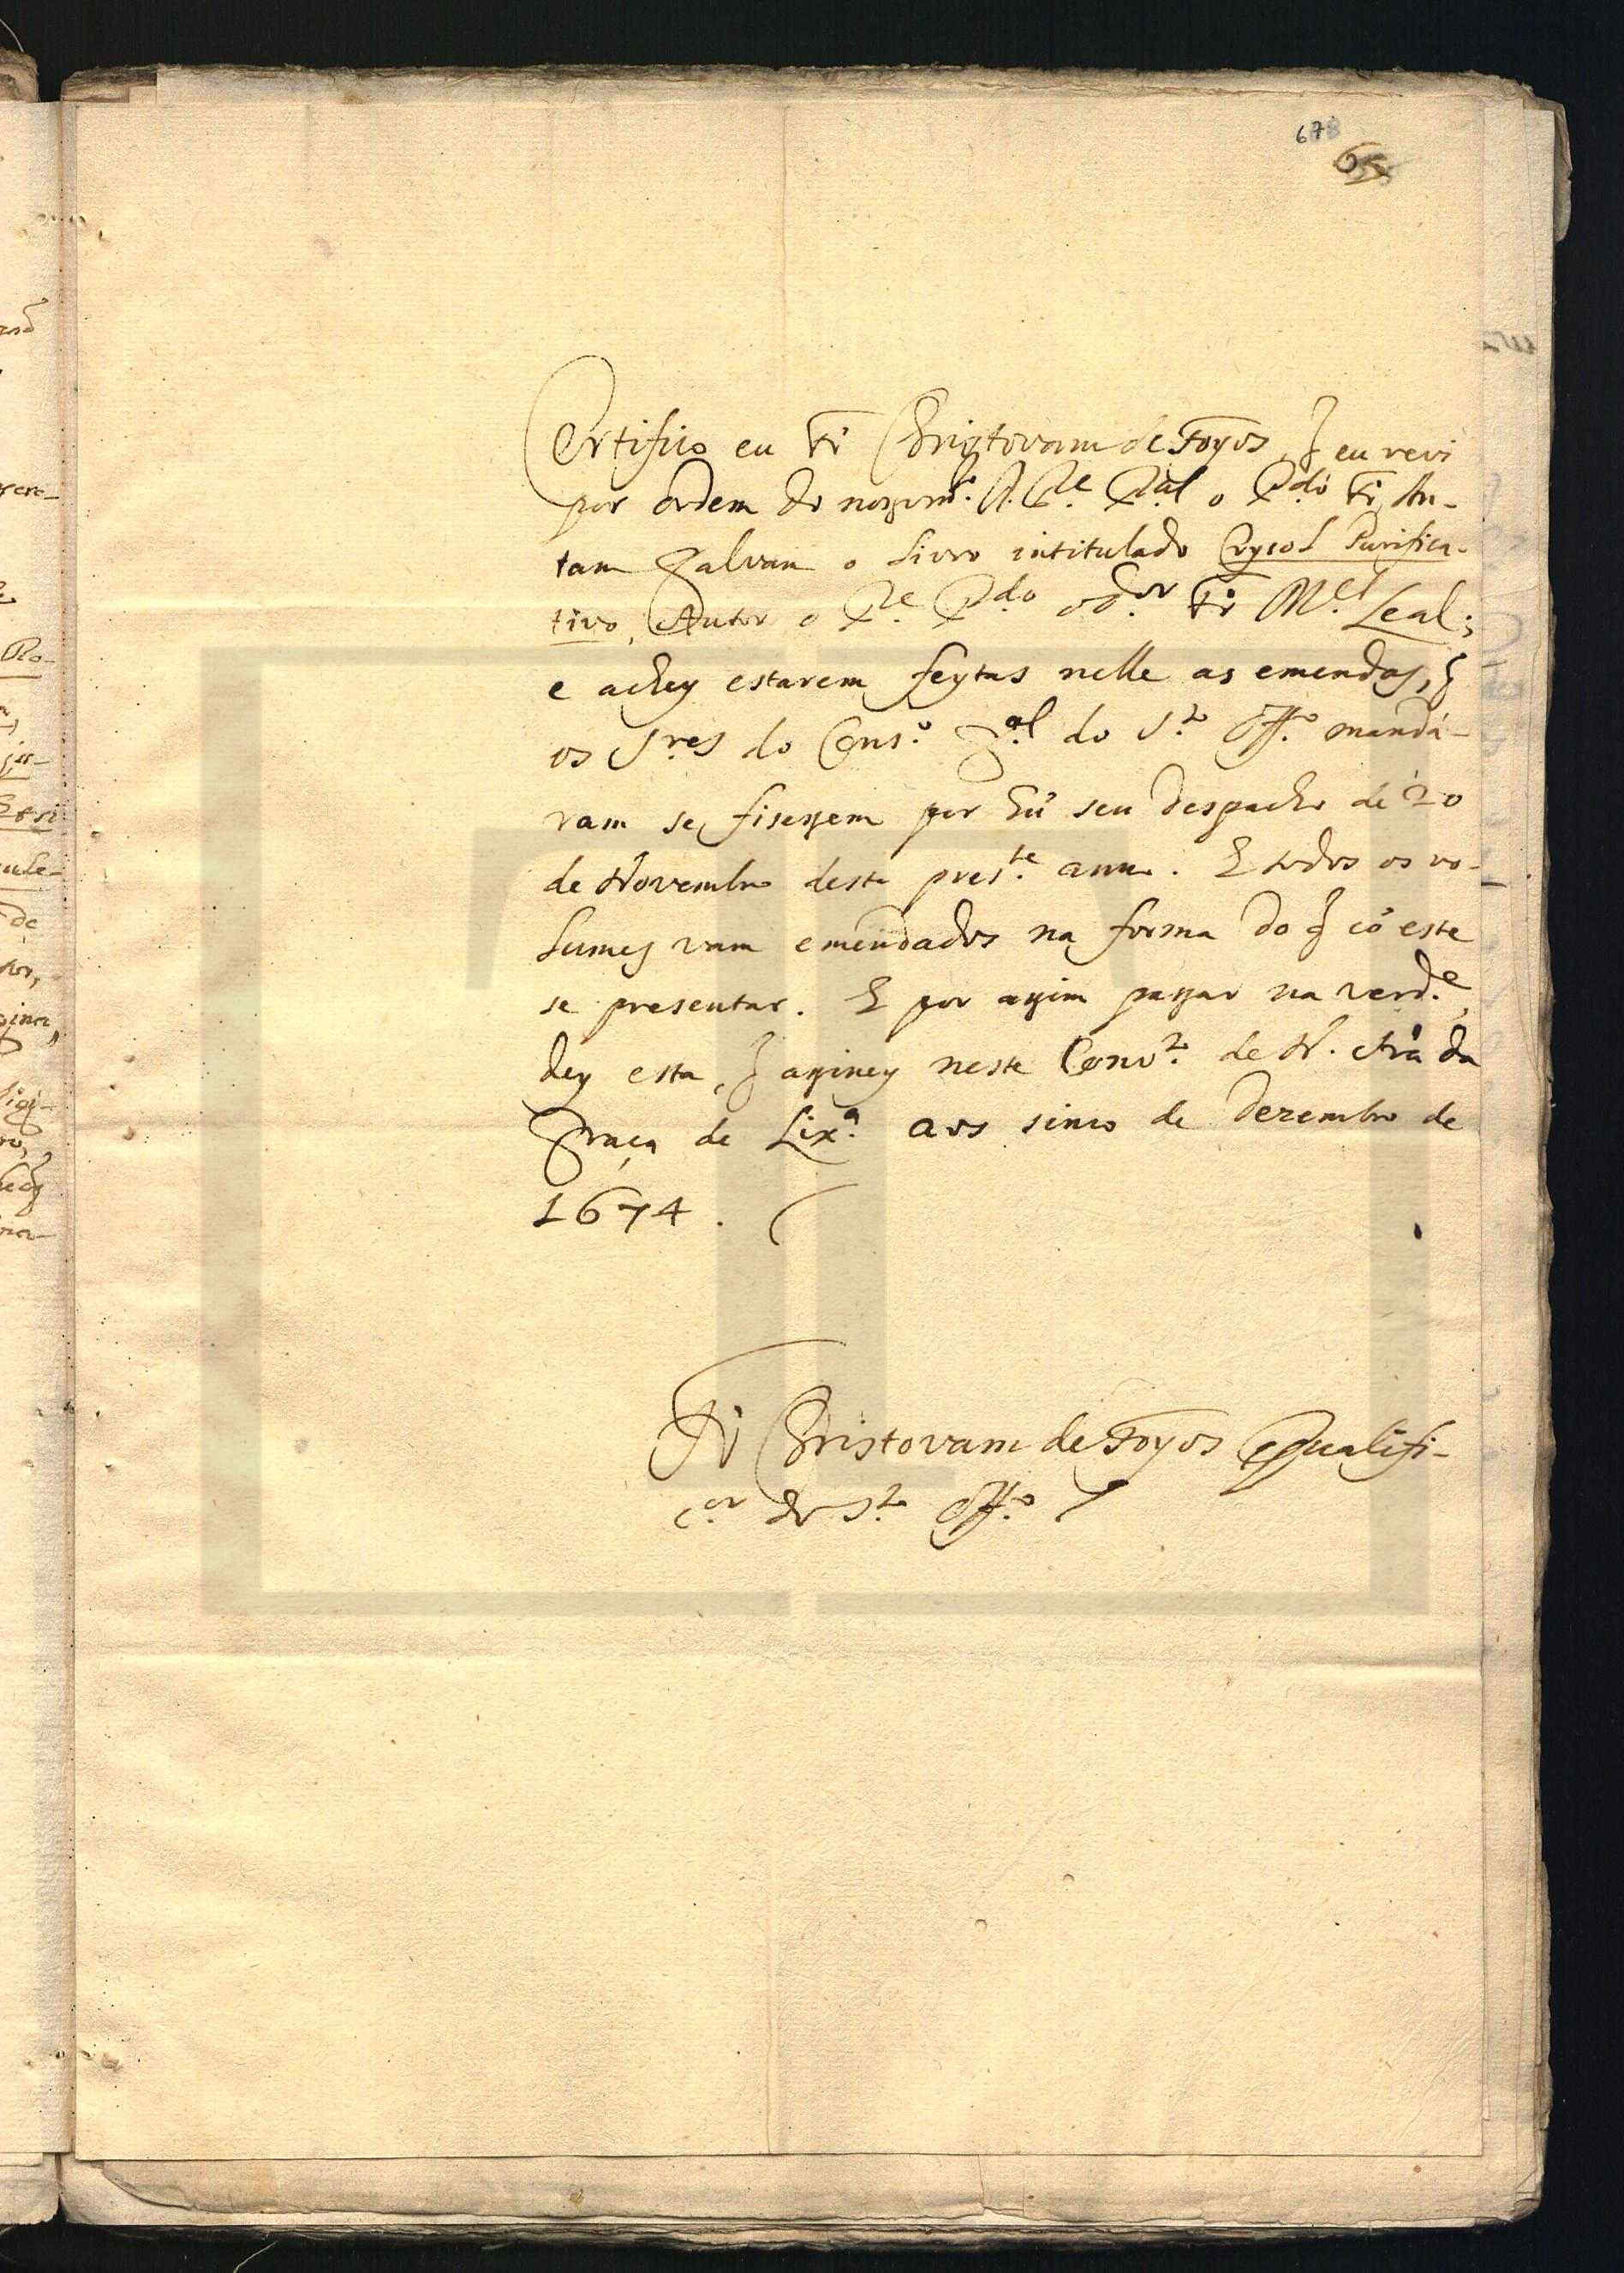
Certifico eu Fr̄ Christovam de Foyos q̄ eu revi
por ordem do noso mto. R. P.e P.al o P.do Fr An
tam Galvam o Livro intitulado Crysol Purifica
tivo, Autor o P.e P.do o d.or Fr M.el Leal;
e achey estarem feytas nelle as emendas, q̄
os S.res do Cons.o G.al do S.to Off.o mandá
ram se fisessem por hū seu despacho de 20
de Novembro deste pres.te anno. E todos os vo
lumes vam emendados na forma do q̄ cō este
se presentar. E por assim passar na verd.e,
dey esta, q̄ assiney neste Conv.to de N. Srā da
Graça de Lix.a aos sinco de dezembro de
1674.
Fr Christovam de Foyos Qualifi
c.or do s.to Off.o
